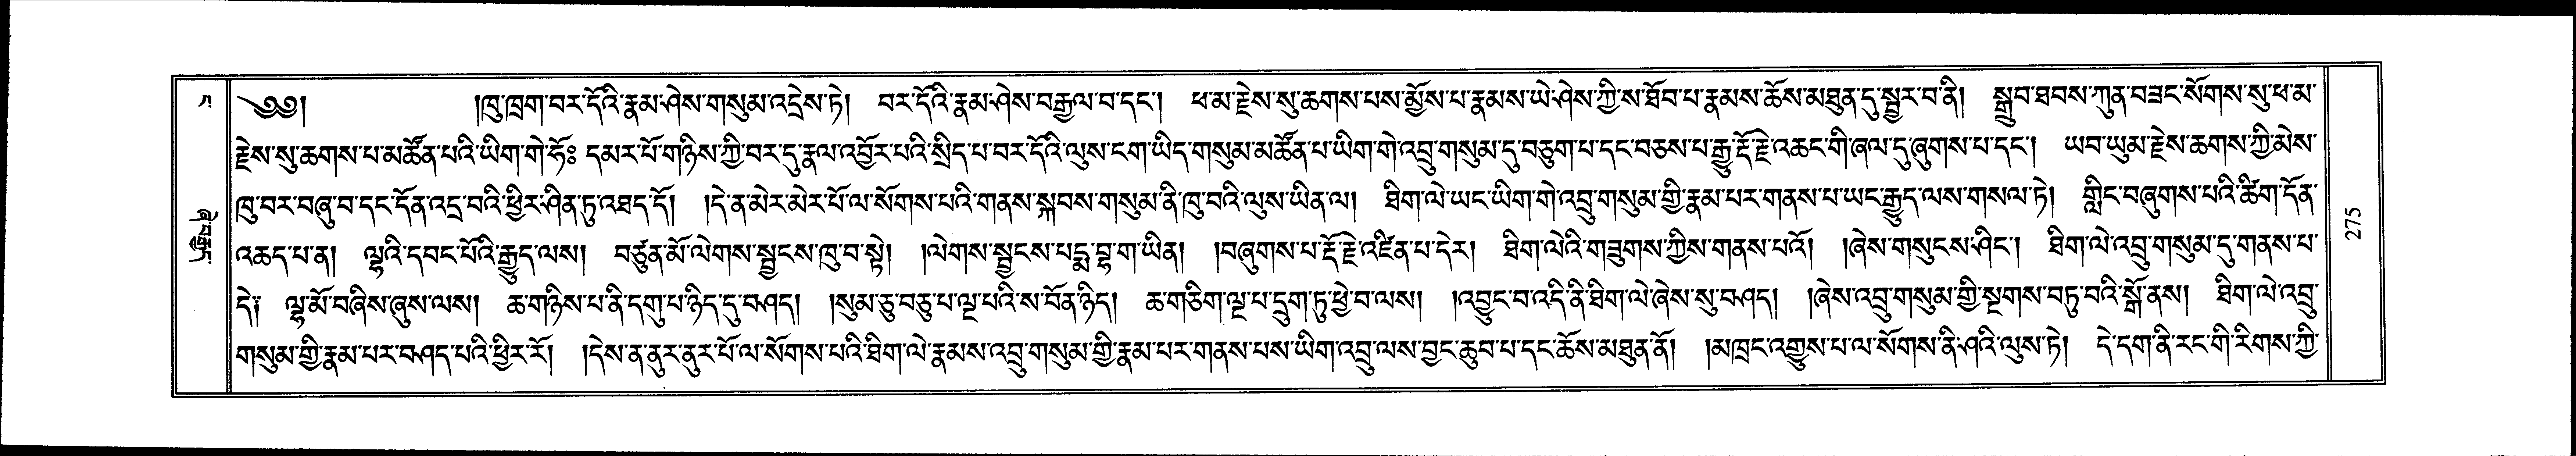༄༅། །ཁུ་ཁྲག་བར་དོའི་རྣམ་ཤེས་གསུམ་འདྲེས་ཏེ། བར་དོའི་རྣམ་ཤེས་བརྒྱལ་བ་དང་། ཕ་མ་རྗེས་སུ་ཆགས་པས་མྱོས་པ་རྣམས་ཡེ་ཤེས་ཀྱི་ས་ཐོབ་པ་རྣམས་ཆོས་མཐུན་དུ་སྦྱར་བ་ནི། སྒྲུབ་ཐབས་ཀུན་བཟང་སོགས་སུ་ཕ་མ་
རྗེས་སུ་ཆགས་པ་མཚོན་པའི་ཡིག་གེ་ཧོཿ དམར་པོ་གཉིས་ཀྱི་བར་དུ་རྣལ་འབྱོར་པའི་སྲིད་པ་བར་དོའི་ལུས་ངག་ཡིད་གསུམ་མཚོན་པ་ཡིག་གེ་འབྲུ་གསུམ་དུ་བཅུག་པ་དང་བཅས་པ་རྒྱུ་རྡོ་རྗེ་འཆང་གི་ཞལ་དུ་ཞུགས་པ་དང་། ཡབ་ཡུམ་རྗེས་ཆགས་ཀྱི་མེས་
ཁུ་བར་བཞུ་བ་དང་དོན་འདྲ་བའི་ཕྱིར་ཤིན་ཏུ་འཐད་དོ། །དེ་ན་མེར་མེར་པོ་ལ་སོགས་པའི་གནས་སྐབས་གསུམ་ནི་ཁུ་བའི་ལུས་ཡིན་ལ། ཐིག་ལེ་ཡང་ཡིག་གེ་འབྲུ་གསུམ་གྱི་རྣམ་པར་གནས་པ་ཡང་རྒྱུད་ལས་གསལ་ཏེ། གླིང་བཞུགས་པའི་ཚིག་དོན་
འཆད་པ་ན། ལྷའི་དབང་པོའི་རྒྱུད་ལས། བཙུན་མོ་ལེགས་སྦྱངས་ཁུ་བ་སྟེ། །ལེགས་སྦྱངས་པདམ་བྷ་ག་ཡིན། །བཞུགས་པ་རྡོ་རྗེ་འཛིན་པ་དེར། ཐིག་ལེའི་གཟུགས་ཀྱིས་གནས་པའོ། །ཞེས་གསུངས་ཤིང་། ཐིག་ལེ་འབྲུ་གསུམ་དུ་གནས་པ་
དེ། ལྷ་མོ་བཞིས་ཞུས་ལས། ཆ་གཉིས་པ་ནི་དགུ་པ་ཉིད་དུ་བཤད། །སུམ་ཅུ་བཅུ་པ་ལྔ་པའི་ས་བོན་ཉིད། ཆ་གཅིག་ལྔ་པ་དྲུག་ཏུ་ཕྱེ་བ་ལས། །འབྱུང་བ་འདི་ནི་ཐིག་ལེ་ཞེས་སུ་བཤད། །ཞེས་འབྲུ་གསུམ་གྱི་སྔགས་བཏུ་བའི་སྒོ་ནས། ཐིག་ལེ་འབྲུ་
གསུམ་གྱི་རྣམ་པར་བཤད་པའི་ཕྱིར་རོ། །དེས་ན་ནུར་ནུར་པོ་ལ་སོགས་པའི་ཐིག་ལེ་རྣམས་འབྲུ་གསུམ་གྱི་རྣམ་པར་གནས་པས་ཡིག་འབྲུ་ལས་བྱང་ཆུབ་པ་དང་ཆོས་མཐུན་ནོ། །མཁྲང་འགྱུས་པ་ལ་སོགས་ནི་ཤའི་ལུས་ཏེ། དེ་དག་ནི་རང་གི་རིགས་ཀྱི་